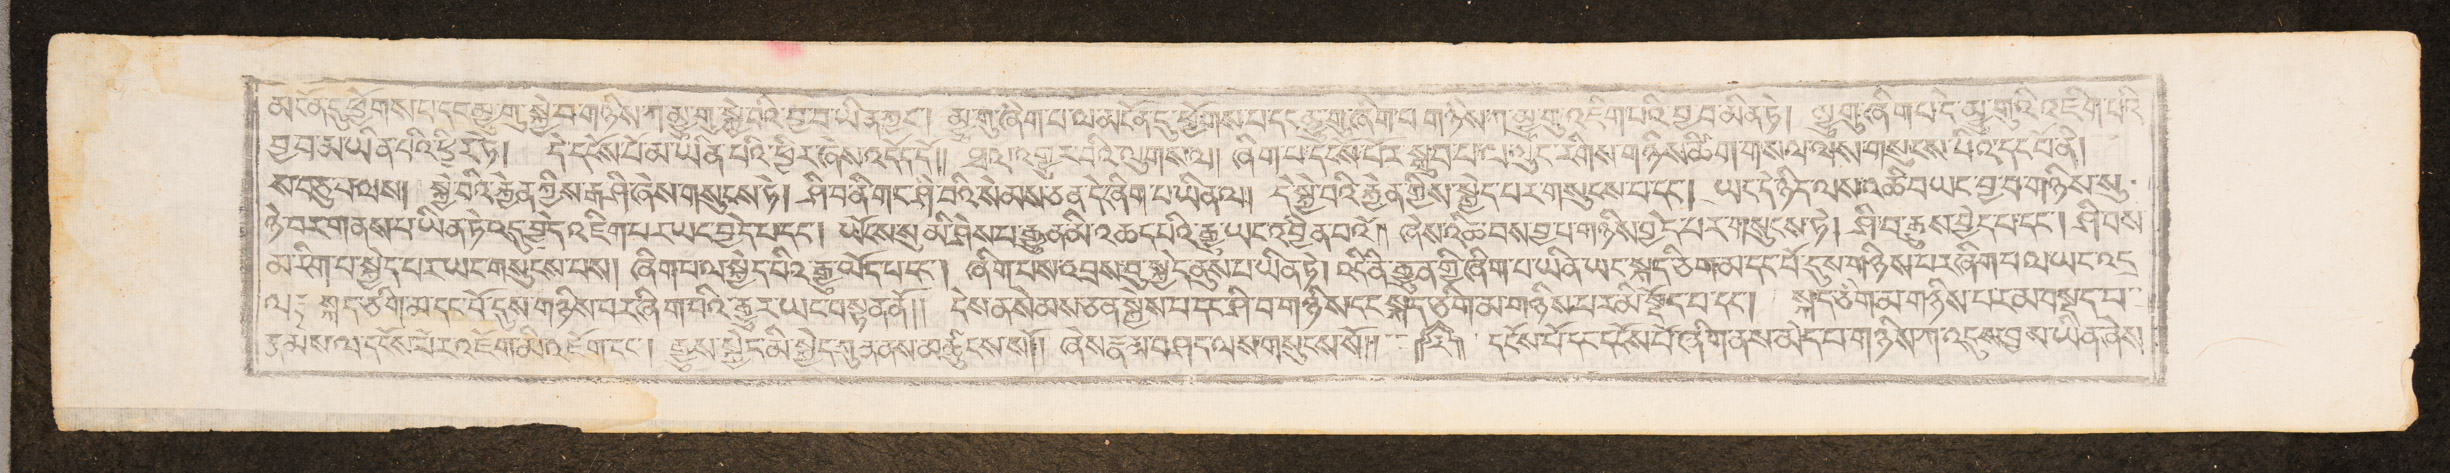མངོན་དུ་ཕྱོགས་པ་དང་མྱུ་གུ་སྐྱེ་བ་གཉིས་ཀ་མྱུ་གུ་སྐྱེ་བའི་བྱ་བ་ཡིན་ཀྱང་། མྱུ་གུ་ཞིག་པ་ལ་མངོན་དུ་ཕྱོགས་པ་དང་མྱུ་གུ་ཞིག་པ་གཉིས་ཀ་མྱུ་གུ་འཇིག་པའི་བྱ་བ་མིན་ཏེ། མྱུ་གུ་ཞིག་པ་དེ་མྱུ་གུའི་འཇིག་པའི་
བྱ་བ་མ་ཡིན་པའི་ཕྱིར་ཏེ། དེ་དངོས་པོ་མ་ཡིན་པའི་ཕྱིར་ཞེས་འདོད་དོ། །ཐལ་འགྱུར་བའི་ལུགས་ལ། ཞིག་པ་དངོས་པོར་སྒྲུབ་པ་ལ་ལུང་རིགས་གཉིས་ཚིག་གསལ་ལས་གསུངས་པའི་དང་པོ་ནི།
ས་བཅུ་པ་ལས། སྐྱེ་བའི་རྐྱེན་ཀྱིས་རྒ་ཤི་ཞེས་གསུངས་ཏེ། ཤི་བ་ནི་གང་ཤི་བའི་སེམས་ཅན་དེ་ཞིག་པ་ཡིན་ལ། དེ་སྐྱེ་བའི་རྐྱེན་གྱིས་སྐྱེད་པར་གསུངས་པ་དང་། ཡང་དེ་ཉིད་ལས་འཆི་བ་ཡང་བྱ་བ་གཉིས་སུ་
ཉེ་བར་གནས་པ་ཡིན་ཏེ་འདུ་བྱེད་འཇིག་པར་ཡང་བྱེད་པ་དང་། ཡོངས་སུ་མི་ཤེས་པ་རྒྱུན་མི་འཆད་པའི་རྒྱུ་ཡང་འབྱིན་པའོ། །ཞེས་འཆི་བས་བྱ་བ་གཉིས་བྱེད་པར་གསུངས་ཏེ། ཤི་བ་རྒྱུས་བྱེད་པ་དང་། ཤི་བས་
མ་རིག་པ་སྐྱེད་པར་ཡང་གསུངས་པས། ཞིག་པ་ལ་སྐྱེད་པའི་རྒྱུ་ཡོད་པ་དང་། ཞིག་པས་འབྲས་བུ་སྐྱེད་ནུས་པ་ཡིན་ཏེ། འདི་ནི་རྒྱུན་གྱི་ཞིག་པ་ཡིན་ཡང་སྐད་ཅིག་མ་དང་པོ་དུས་གཉིས་པར་ཞིག་པ་ལ་ཡང་འདྲ་
ལ༑ སྐད་ཅིག་མ་དང་པོ་དུས་གཉིས་པར་ཞིག་པའི་རྒྱུར་ཡང་བསྟན་ནོ། །དེས་ན་སེམས་ཅན་སྐྱེས་པ་དང་ཤི་བ་གཉིས་དང་སྐད་ཅིག་མ་གཉིས་པར་མི་སྡོད་པ་དང་། སྐད་ཅིག་མ་གཉིས་པར་མ་བསྡད་པ་
རྣམས་ལ་དངོས་པོར་འཇོག་མི་འཇོག་དང་། རྒྱུས་སྐྱེད་མི་སྐྱེད་ཀུན་ནས་མཚུངས་སོ། །ཞེས་རྣམ་བཤད་ལས་གསུངས་སོ།། ༼༽ར༼༽ དངོས་པོ་དང་དངོས་པོ་ཞིག་ནས་མེད་པ་གཉིས་ཀ་འདུས་བྱས་ཡིན་ཞེས་